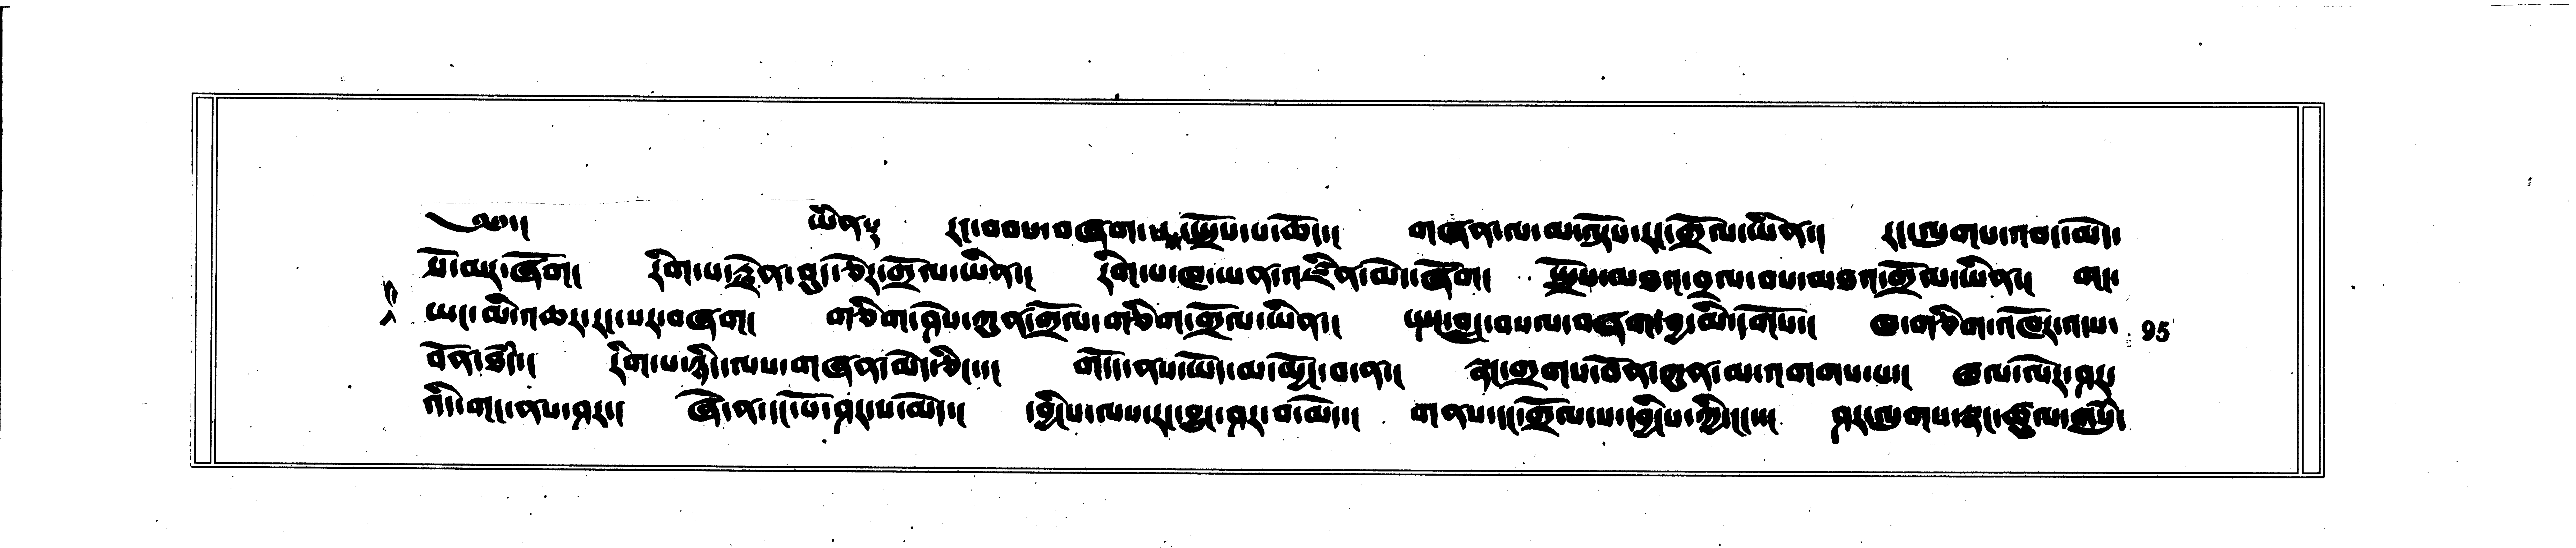ཡིན། །རང་བབས་བཞག་པས་སྤྲོས་པ་ཆོད། །གཞན་ལ་མ་ལྟོས་རང་གྲོལ་ཡིན། །རང་ལུགས་འབད་མེད་
སོ་མར་ཞོག །རིག་པ་རྗེན་བུད་ཅེར་གྲོལ་ཡིན། །རིག་པ་ཁ་ཡན་འཛིན་མེད་ཞོག །སྤྲོས་མཐའ་བྲལ་བས་མཐའ་གྲོལ་ཡིན། །གང་
ཡང་མི་འཆར་རང་སར་བཞག །གཅིག་ཤེས་ཀུན་གྲོལ་གཅིག་གྲོལ་ཡིན། །སྤང་བླང་བསལ་བཞག་བྱ་མི་དགོས། །ཁ་ཅིག་འཁོར་འདས་
བོན་ཐམས་ཅད། །རིག་པ་ཉིད་ལས་གཞན་མེད་ཅིང་། །གདོད་ནས་ཡོད་མ་མྱོང་བ་ན། །སྣང་གྲགས་བོན་ཀུན་མ་འགག་པ། །ཝལ་ལེར་ཤར་
འདི་གང་ནས་ཤར། །ཞེ་ན་དང་པོ་ཤར་བ་མེད། །དབྱིངས་ལས་རང་བྱུང་ཤར་བ་མེད། །གནས་དང་གྲོལ་བ་དབྱིངས་ཀྱི་ངང་། །ཤར་ལུགས་སྣང་ཚུལ་གསུམ་